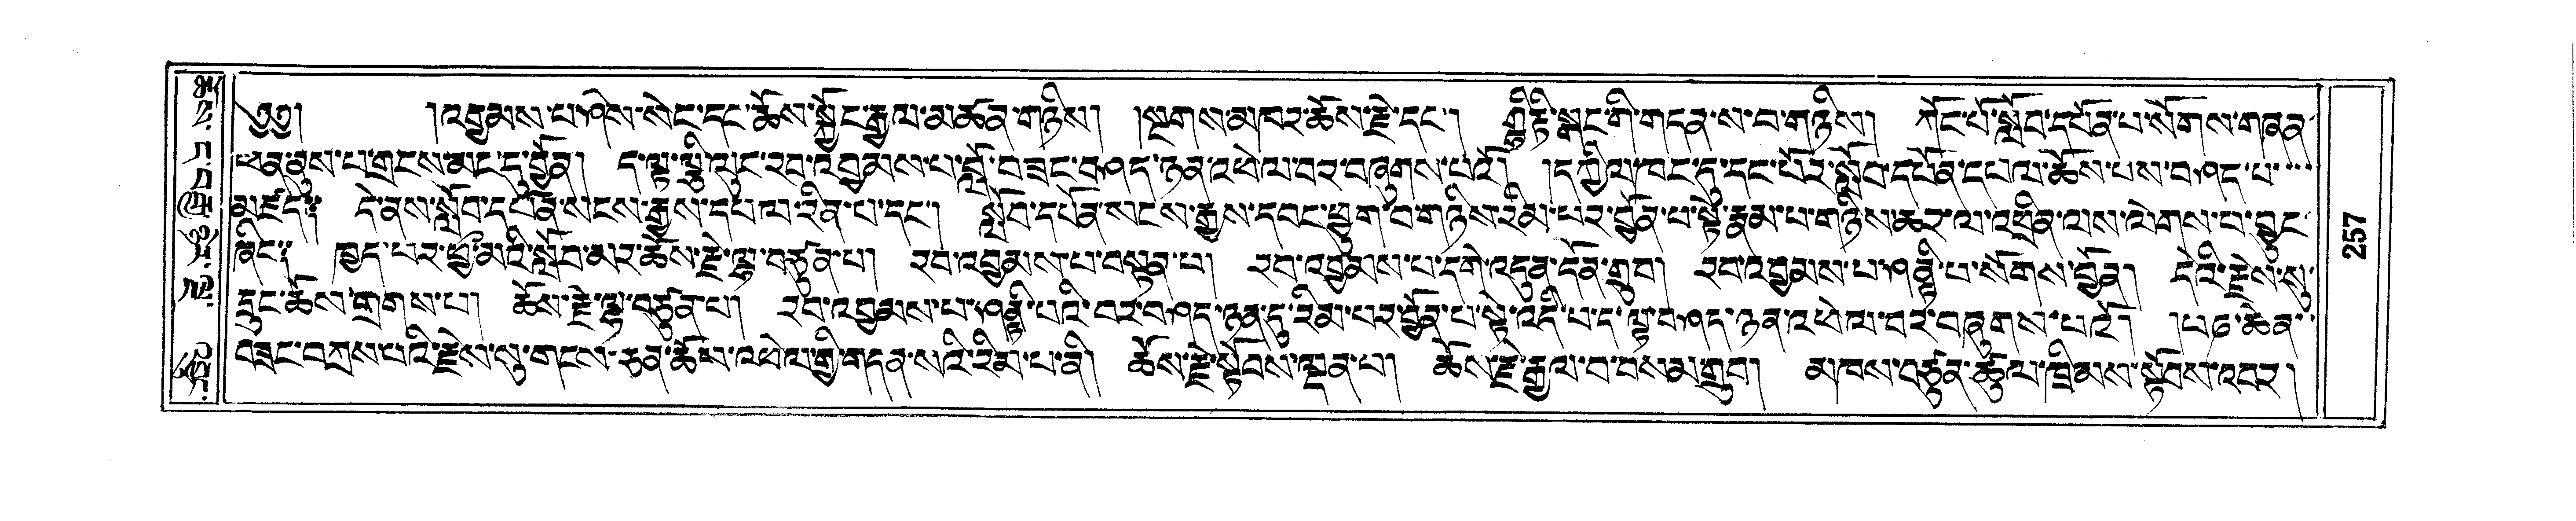༄༅། །འབྱམས་པ་ཤེས་སེང་དང་ཆོས་སྐྱོང་རྒྱལ་མཚན་གཉིས། །སྔགས་མཁར་ཆོས་རྗེ་དང་། གྷིརྟི་སྒང་གི་གདན་ས་བ་གཉིས། ཀོང་པོ་སློབ་དཔོན་པ་སོགས་གཞན་
ཕན་ནུས་པ་གྲངས་མང་དུ་བྱོན། ད་ལྟ་ལྕི་ལུང་རབ་འབྱུམས་པ་བློ་བཟང་བཤད་ཉན་འཕེལ་བར་བཞུགས་པའོ། །དཀྱིལ་ཁང་དུ་དང་པོར་སློབ་དཔོན་དཔལ་ཆོས་པས་བཤད་པ་
མཛད༑ དེ་ནས་སློབ་དཔོན་སངས་རྒྱས་དཔལ་རིན་པ་དང་། སློབ་དཔོན་སངས་རྒྱས་དབང་ཕྱུག་བ་གཉིས་རིམ་པར་བྱོན་པ་སྟེ་རྣམ་པ་གཉིས་ཆར་ལ་འཕྲིན་ལས་ལེགས་བ་བྱུང་
ཞིང༑ ཁྱད་པར་ཕྱྀ་མའི་སློབ་མར་ཆོས་རྗེ་ལྷ་བཙུན་པ། རབ་འབྱམས་པ་བསྟན་པ། རབ་འབྱམས་པ་དགེ་འདུན་དོན་གྲུབ། རབ་འབྱམས་པ་ཤནྟི་པ་སོགས་བྱོན། དེའི་རྗེས་སུ་
དྲུང་ཆོས་གྲགས་པ། ཆོས་རྗེ་ལྷ་བརྩུན་པ། རབ་འབྱམས་པ་ཤནྟི་པའི་བར་བཤད་ཉན་དུ་རིམ་པར་བྱོན་པ་སྟེ་འདི་པ་ད་ལྟ་བཤད་ཉན་འཕེལ་བར་བཞུགས་པའོ། །པཎ་ཆེན་
བཟང་བཀྲས་པའི་རྗེས་སུ་གངས་ཅན་ཆོས་འཕེལ་གྱིས་གདན་སའི་རིམ་པ་ནི། ཆོས་རྗེ་སྟོབས་ལྡན་པ། ཆོས་རྗེ་རྒྱལ་བ་བསམ་གྲུབ། མཁས་བཙུན་ཚུལ་ཁྲིམས་སྟོབས་འབར།